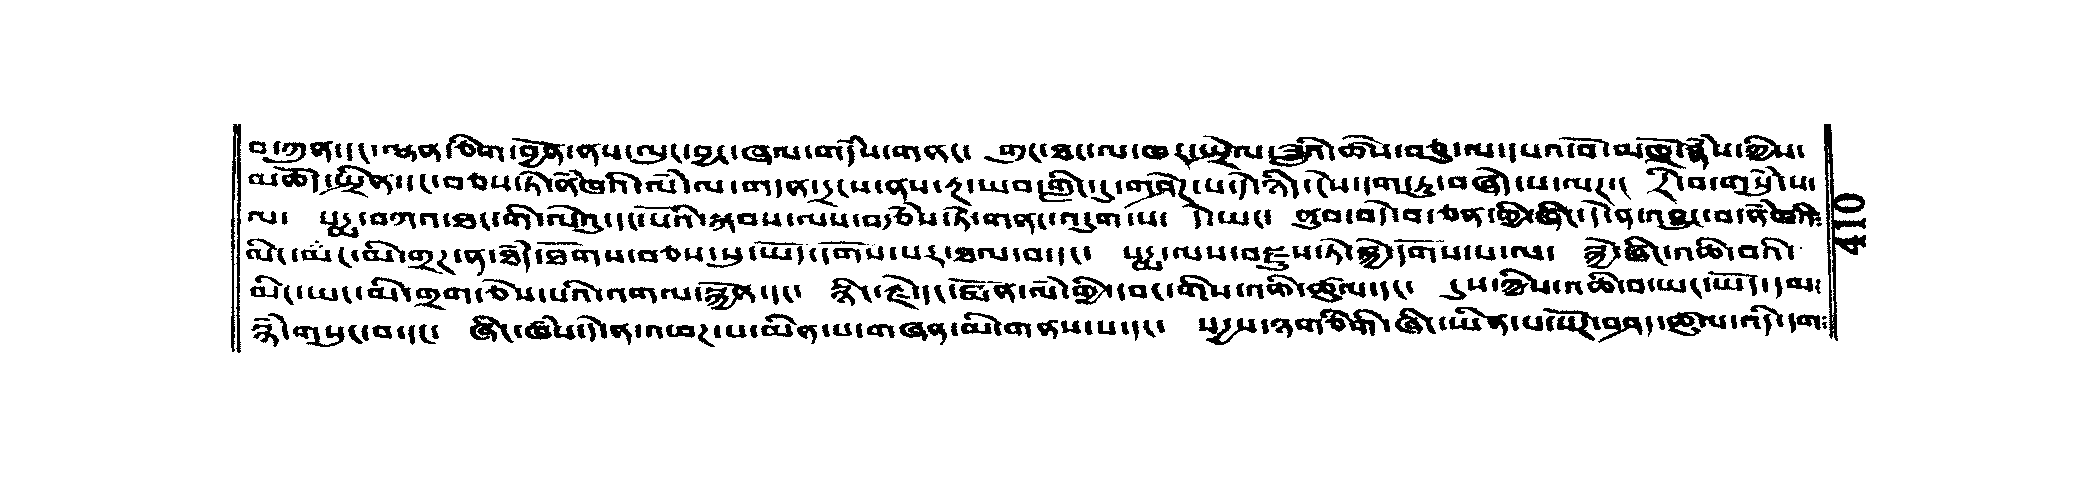བ་ཀུན་དང་ལྷན་ཅིག་བྱོན་ནས་ལུང་བྱང་ཞལ་གདམས་གནང་། གུང་ཐང་ལ་ཁར་སྤྲེལ་ཟླའི་ཚེས་བཅུ་ལ་དཔའ་བོ་མཁའ་འགྲོ་རྣམས་ཀྱིས་
མཆོད་སྤྲིན་དང་བཅས་ཏེ་ནམ་མཁའི་ལམ་ལ་གདན་དྲངས་ནས་རྔ་ཡབ་གླིང་དུ་གཤེགས་པ་དེ་ཉིད་ངེས་དག་ཏུ་བཞེད་པ་ལགས། དྲི་བ་གསུམ་པ་
ལ། པདྨ་བཀའ་ཐང་གི་ལེའུ་དང་པོའི་སྐབས་ལས་བརྩམས་ཏེ་གནང་འདུག་པ། དེ་ཡང་། ནུབ་བདེ་བ་ཅན་གྱི་ཞིང་དེ་ན་འབྱུང་བ་ནམ་མཁའི་
མིང་མི་གྲགས་ན་ཐམས་ཅད་ཐོགས་བཅས་སུ་ཡོད་དགོས་པར་ཐལ་བ་དང་། པདྨ་ལས་བརྫུས་ཏེ་སྐྱེ་དགོས་པ་ལ། སྐྱེ་ཞིང་འཆི་བའི་
མིང་ཡང་མི་གྲགས་ཅེས་པའི་འགལ་སྐྱོན་དང་། སྙིང་རྗེ་དང་སྨོན་ལམ་གྱི་དབང་གིས་འཆི་ཚུལ་དང་། དུས་ཀྱིས་འཆི་བ་ཡང་ཡོད་དམ་
སྙམ་གསུངས་བ་དང་། ཞིང་ཁམས་དེ་ན་འཕགས་པ་མིན་པ་གཞན་མི་གནས་པ་དང་། སངས་རྒྱས་ཉག་གཅིག་གི་ཞིང་ཡིན་པ་སོགས་བཤད་ཚུལ་འདི་དག་